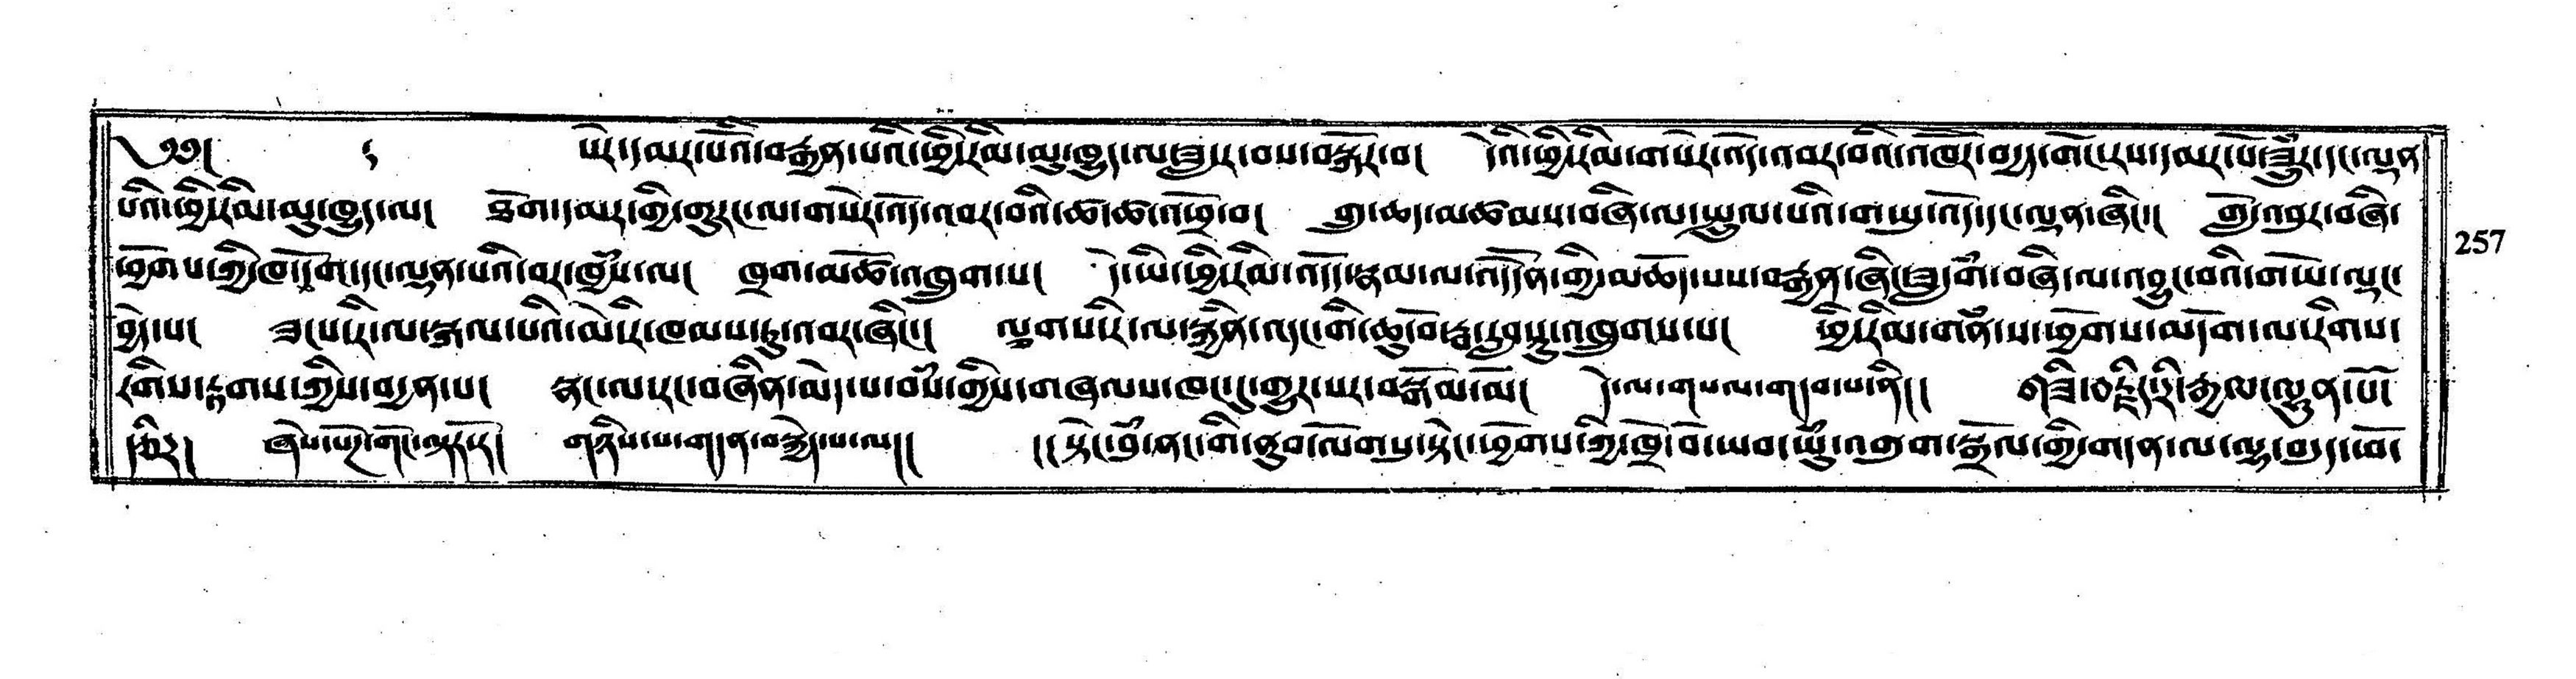སེར་དམར་པོའི་བརྒྱན་པའི་ཕྱི་རིམ་མུ་ཁྱུད་ལ་ཟླ་༼གམ༽ར་བས་བསྐོར་བ། དེའི་ཕྱི་རིམ་གསེར་འོད་འབར་བའི་འཁོར་བརྒྱད་གོང་རས་དམར་པོ་ཟུར་གསུམ་དང་ལྡན་
པའི་ཕྱི་རིམ་མུ་ཁྱུད་ལ། ཐོག་དམར་གྱི་གུར་ཁང་ལ་གསེར་འོད་འབར་བའི་ཚ་ཚ་འཕྲོ་བ། གྲུ་ཆད་མཚམས་བཞི་ལ་སྤྲུལ་པའི་གཡུ་འོད་དང་ལྡན་ཞིང་། གློ་འབུར་བཞི་
ཕྱོགས་ཀྱི་ཁ་དོག་དང་ལྡན་པའི་བར་ཁྱམས་ལ། ཁྲག་མཚོ་འཁྲུག་པ། དེ་ཡི་ཕྱི་རིམ་འདོད་སྣམ་ལ་འདོད་ཡོན་གྱི་མཆོད་པས་བརྒྱན་ཞིང་ཟླ་གམ་བཞི་ལ་འབྱུང་བའི་གཡོ་ལྡང་
བྱེད་པ། ཟངས་རི་ལ་སྐལ་པའི་མེ་རི་ཁམས་ཏུ་འབར་ཞིང་། ལྕགས་རི་ལ་སྐྱིན་འདང་གི་ཆུ་བོ་རྦ་རླབ་ཏུ་འཁྲུགས་པ། ཕྱི་རིམ་གནམ་ས་ཕྱོགས་མདོག་ལ་རིགས་
རིགས་རྟགས་ཀྱིས་བརྒྱན་པ། སྣང་ལ་རང་བཞིན་མེད་པ་བསམ་གྱིས་གཞལ་ཡས་ཁང་དུ་གྱུར་པར་བསྒོམ་མོ། །དེ་ལ་གསལ་གདབ་པ་ནི།། གཟི་བརྗིད་རི་རྒྱལ་ལྷུན་པོ་
ཅིར། ཞེས་སོགས་གོང་ལྟར་རོ། གཉིས་པ་གདན་བསྐྱེད་པ་ལ།། །།སྟེང་བུམ་ནང་གི་ནུབ་ལོགས་སུ་སྟེང་ཕྱོགས་ཀྱི་ཁྲོ་བོ་ཡབ་ཡུམ་འགུག་སྒྲོལ་གྱི་གདན་ལ་ལྷ་བདུད་ཕོ་